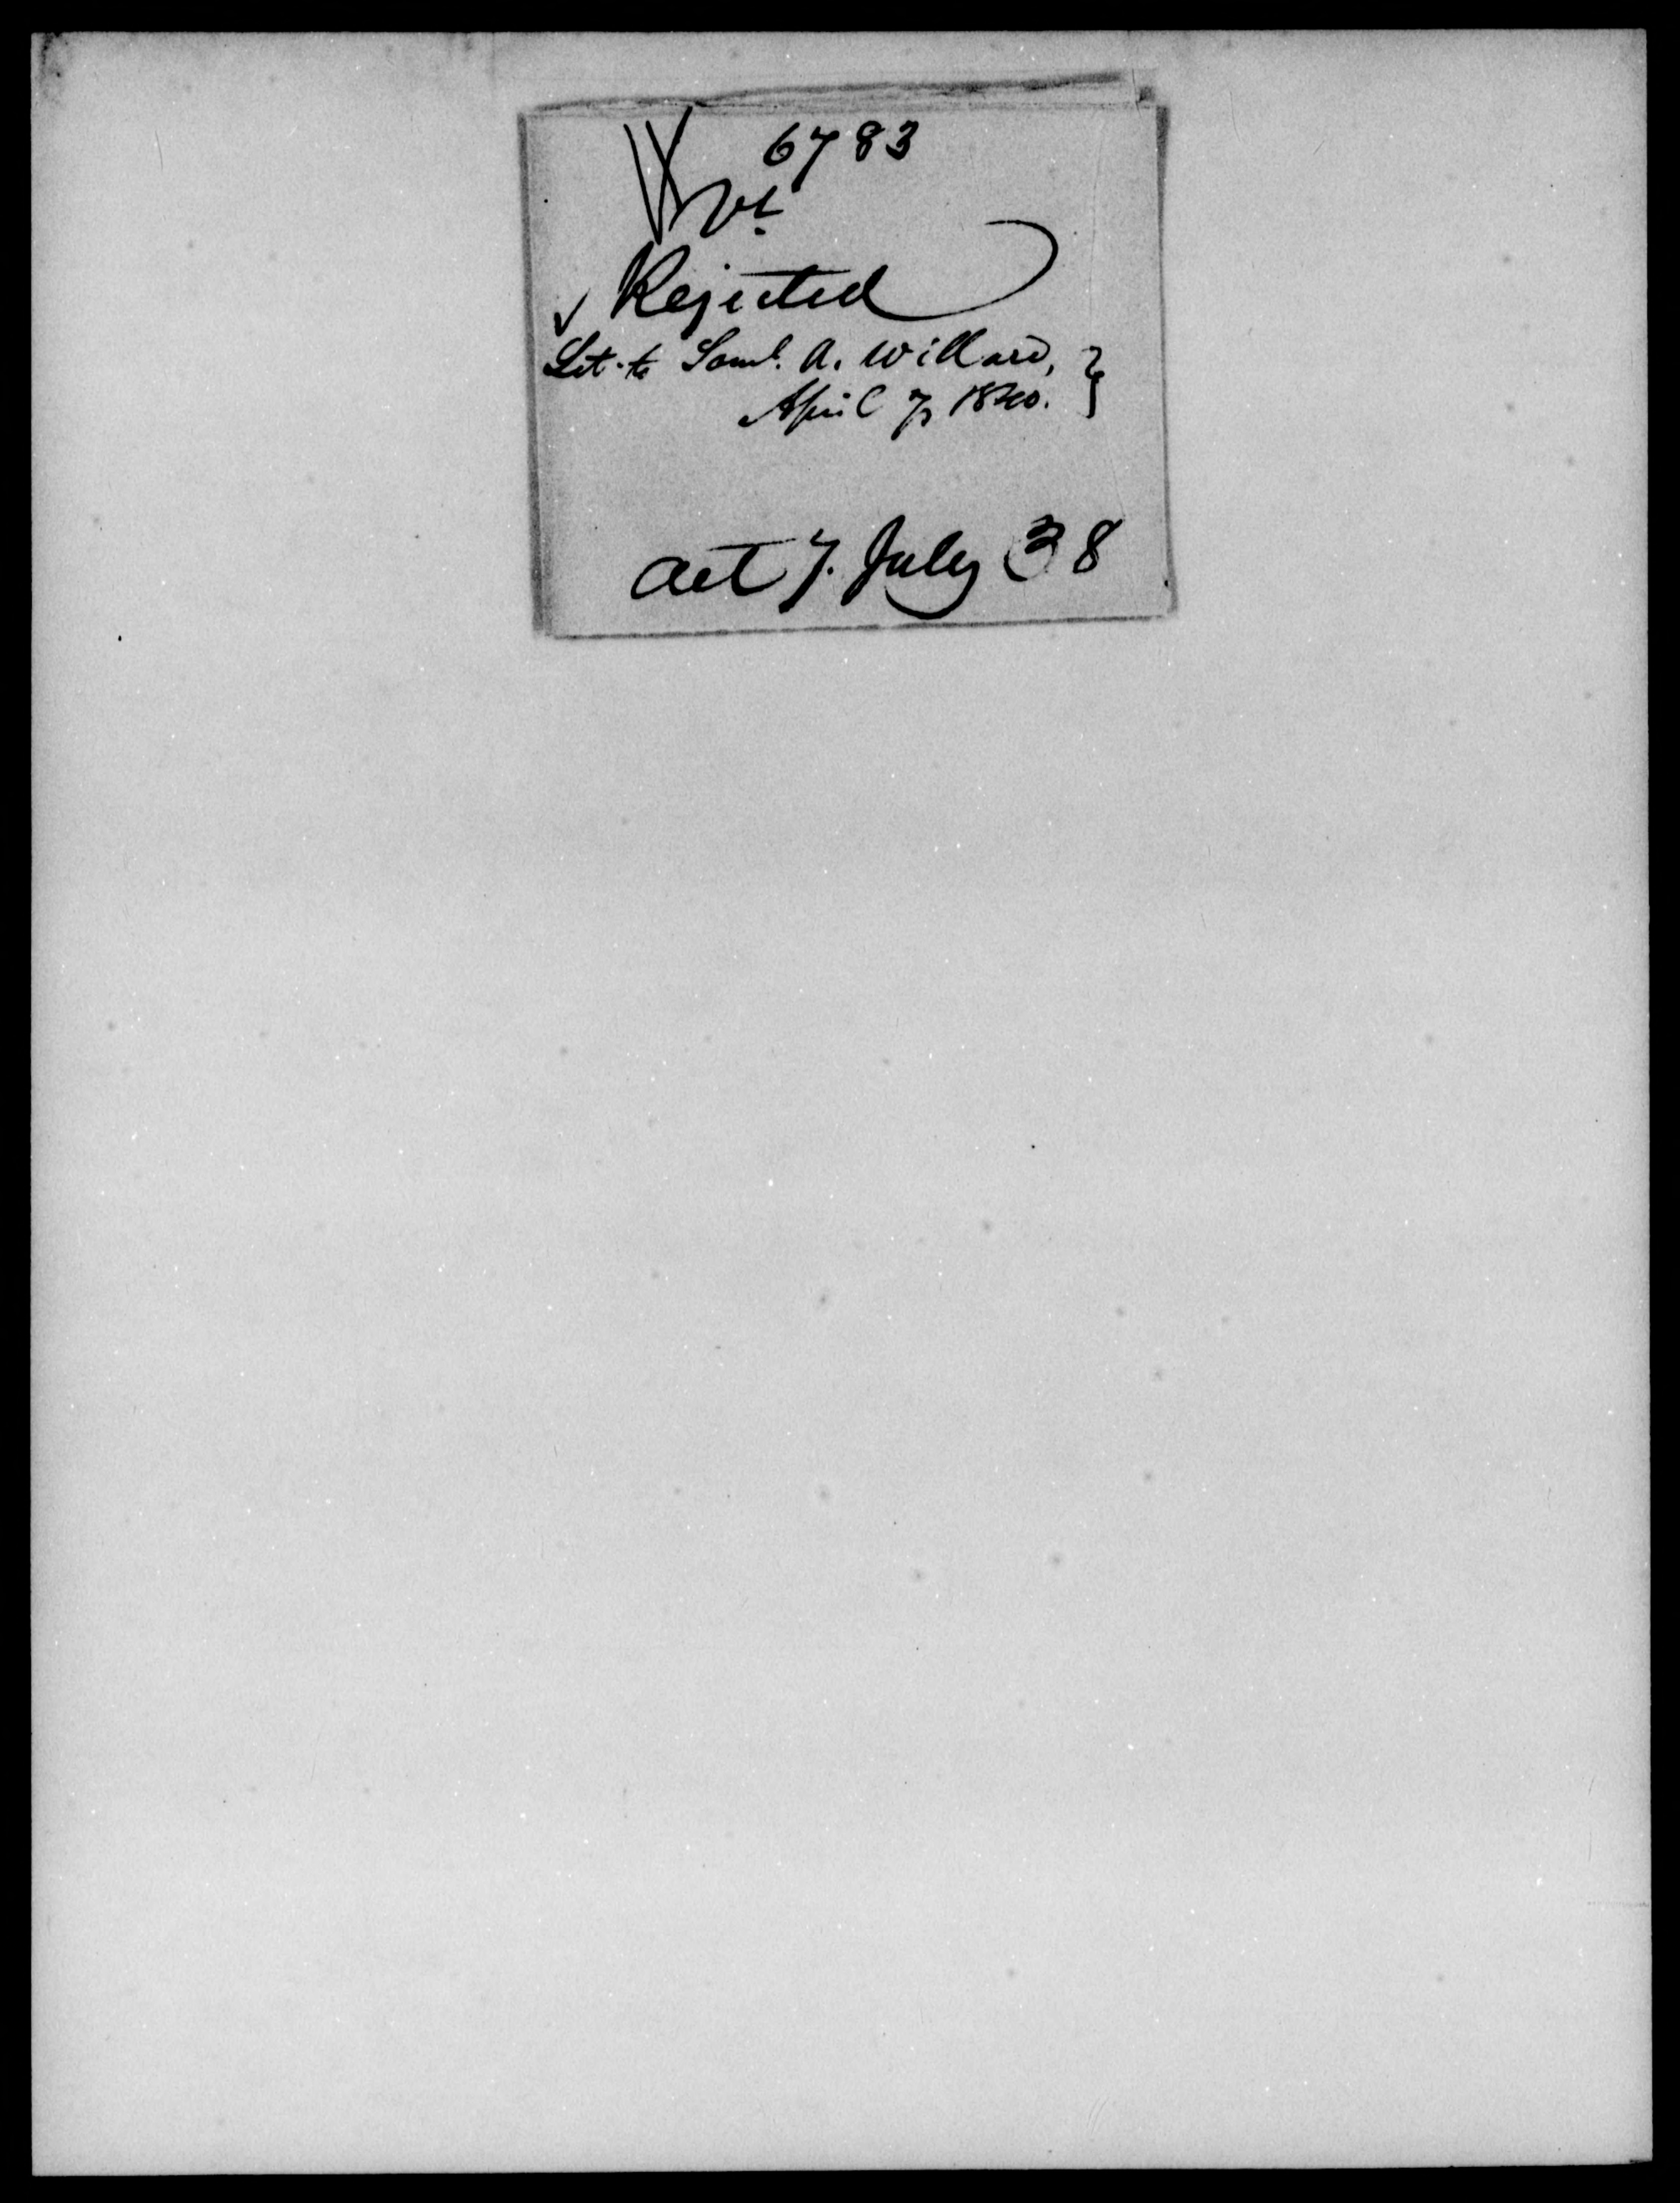6783
VT
Rejected
Let. to Saml A. Willard,
April 7 1840. ┃
Act 7 July 38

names: Saml A Willard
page: 18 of 87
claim: widow's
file: W. 25,966, Moses Weld, Mass.